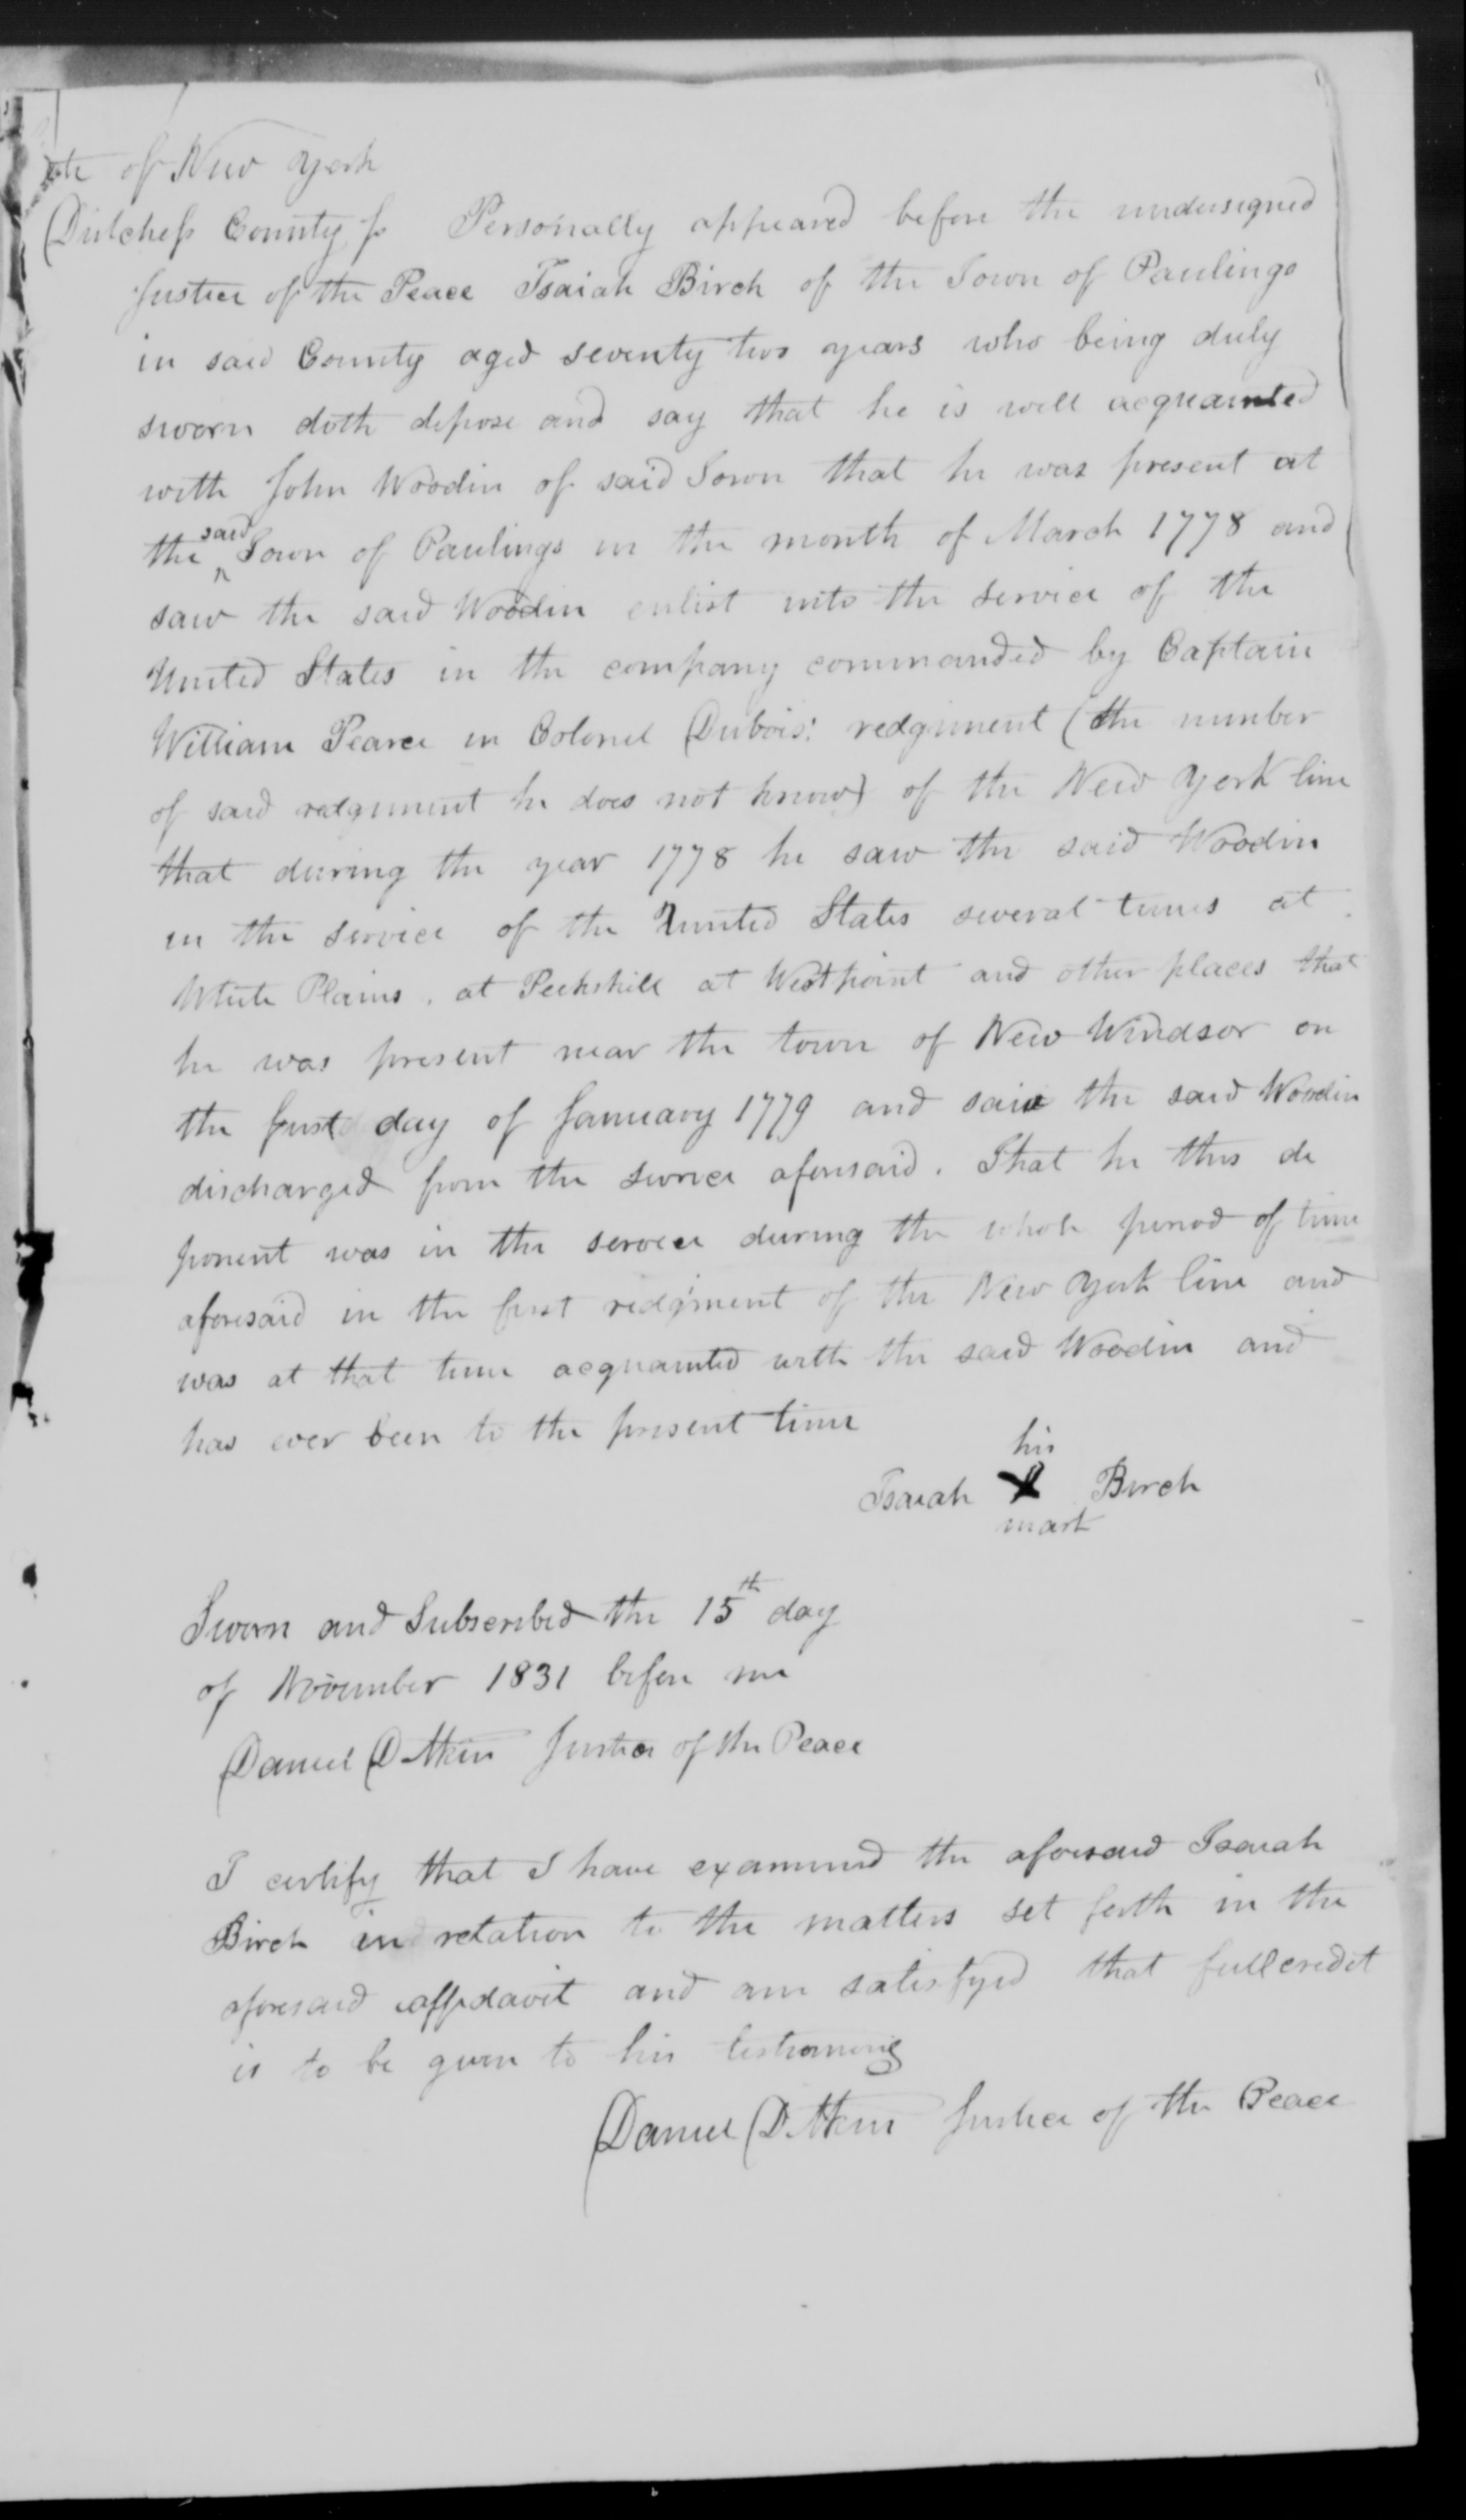State of New York 
Dutchess County ss  Personally appeared before the undersigned Justice of the Peace Isaiah Birch of the Town of Pawlings said County aged seventy two years who being duly sworn doth depose and say that he is well acquainted with John Woodin of said Town that he was present at the said Town of Paulings in the month of March 1778 and saw the said Woodin enlist into the service of the United States in the company commanded by Captain William Pearce in Colonel Dubois regiment (the number of said regiment he does not know) of the New York line that during the year 1778 he saw the said Woodin in the service of the United States several times at White Plains, at Peekskill at West point and other places that he was present near the town of New Windsor on the first day of January 1779 and said the said Woodin discharged from the service aforesaid. That he this deponent was in the service during the whole period of time aforesaid in the first ridgment of the New York line and was at that time acquainted with the said Woodin and has ever been to the present time 
[signed] Isaiah Birch  X his mark
Sworn and Subscribed the 15th day of November 1831 before me Daniel D Akin Justice of the Peace 
I certify that I have examined the aforesaid Isaiah Birch in relation to the matters set forth in the aforesaid affidavit and am satisfied that full credit is to be given to his testimony
 Daniel D. Akin Justice of the Peace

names: Isaiah Birch, William Pearce, Daniel D Akin, John Woodin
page: 36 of 77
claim: widow's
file: W. 19658, John Woodin, New York